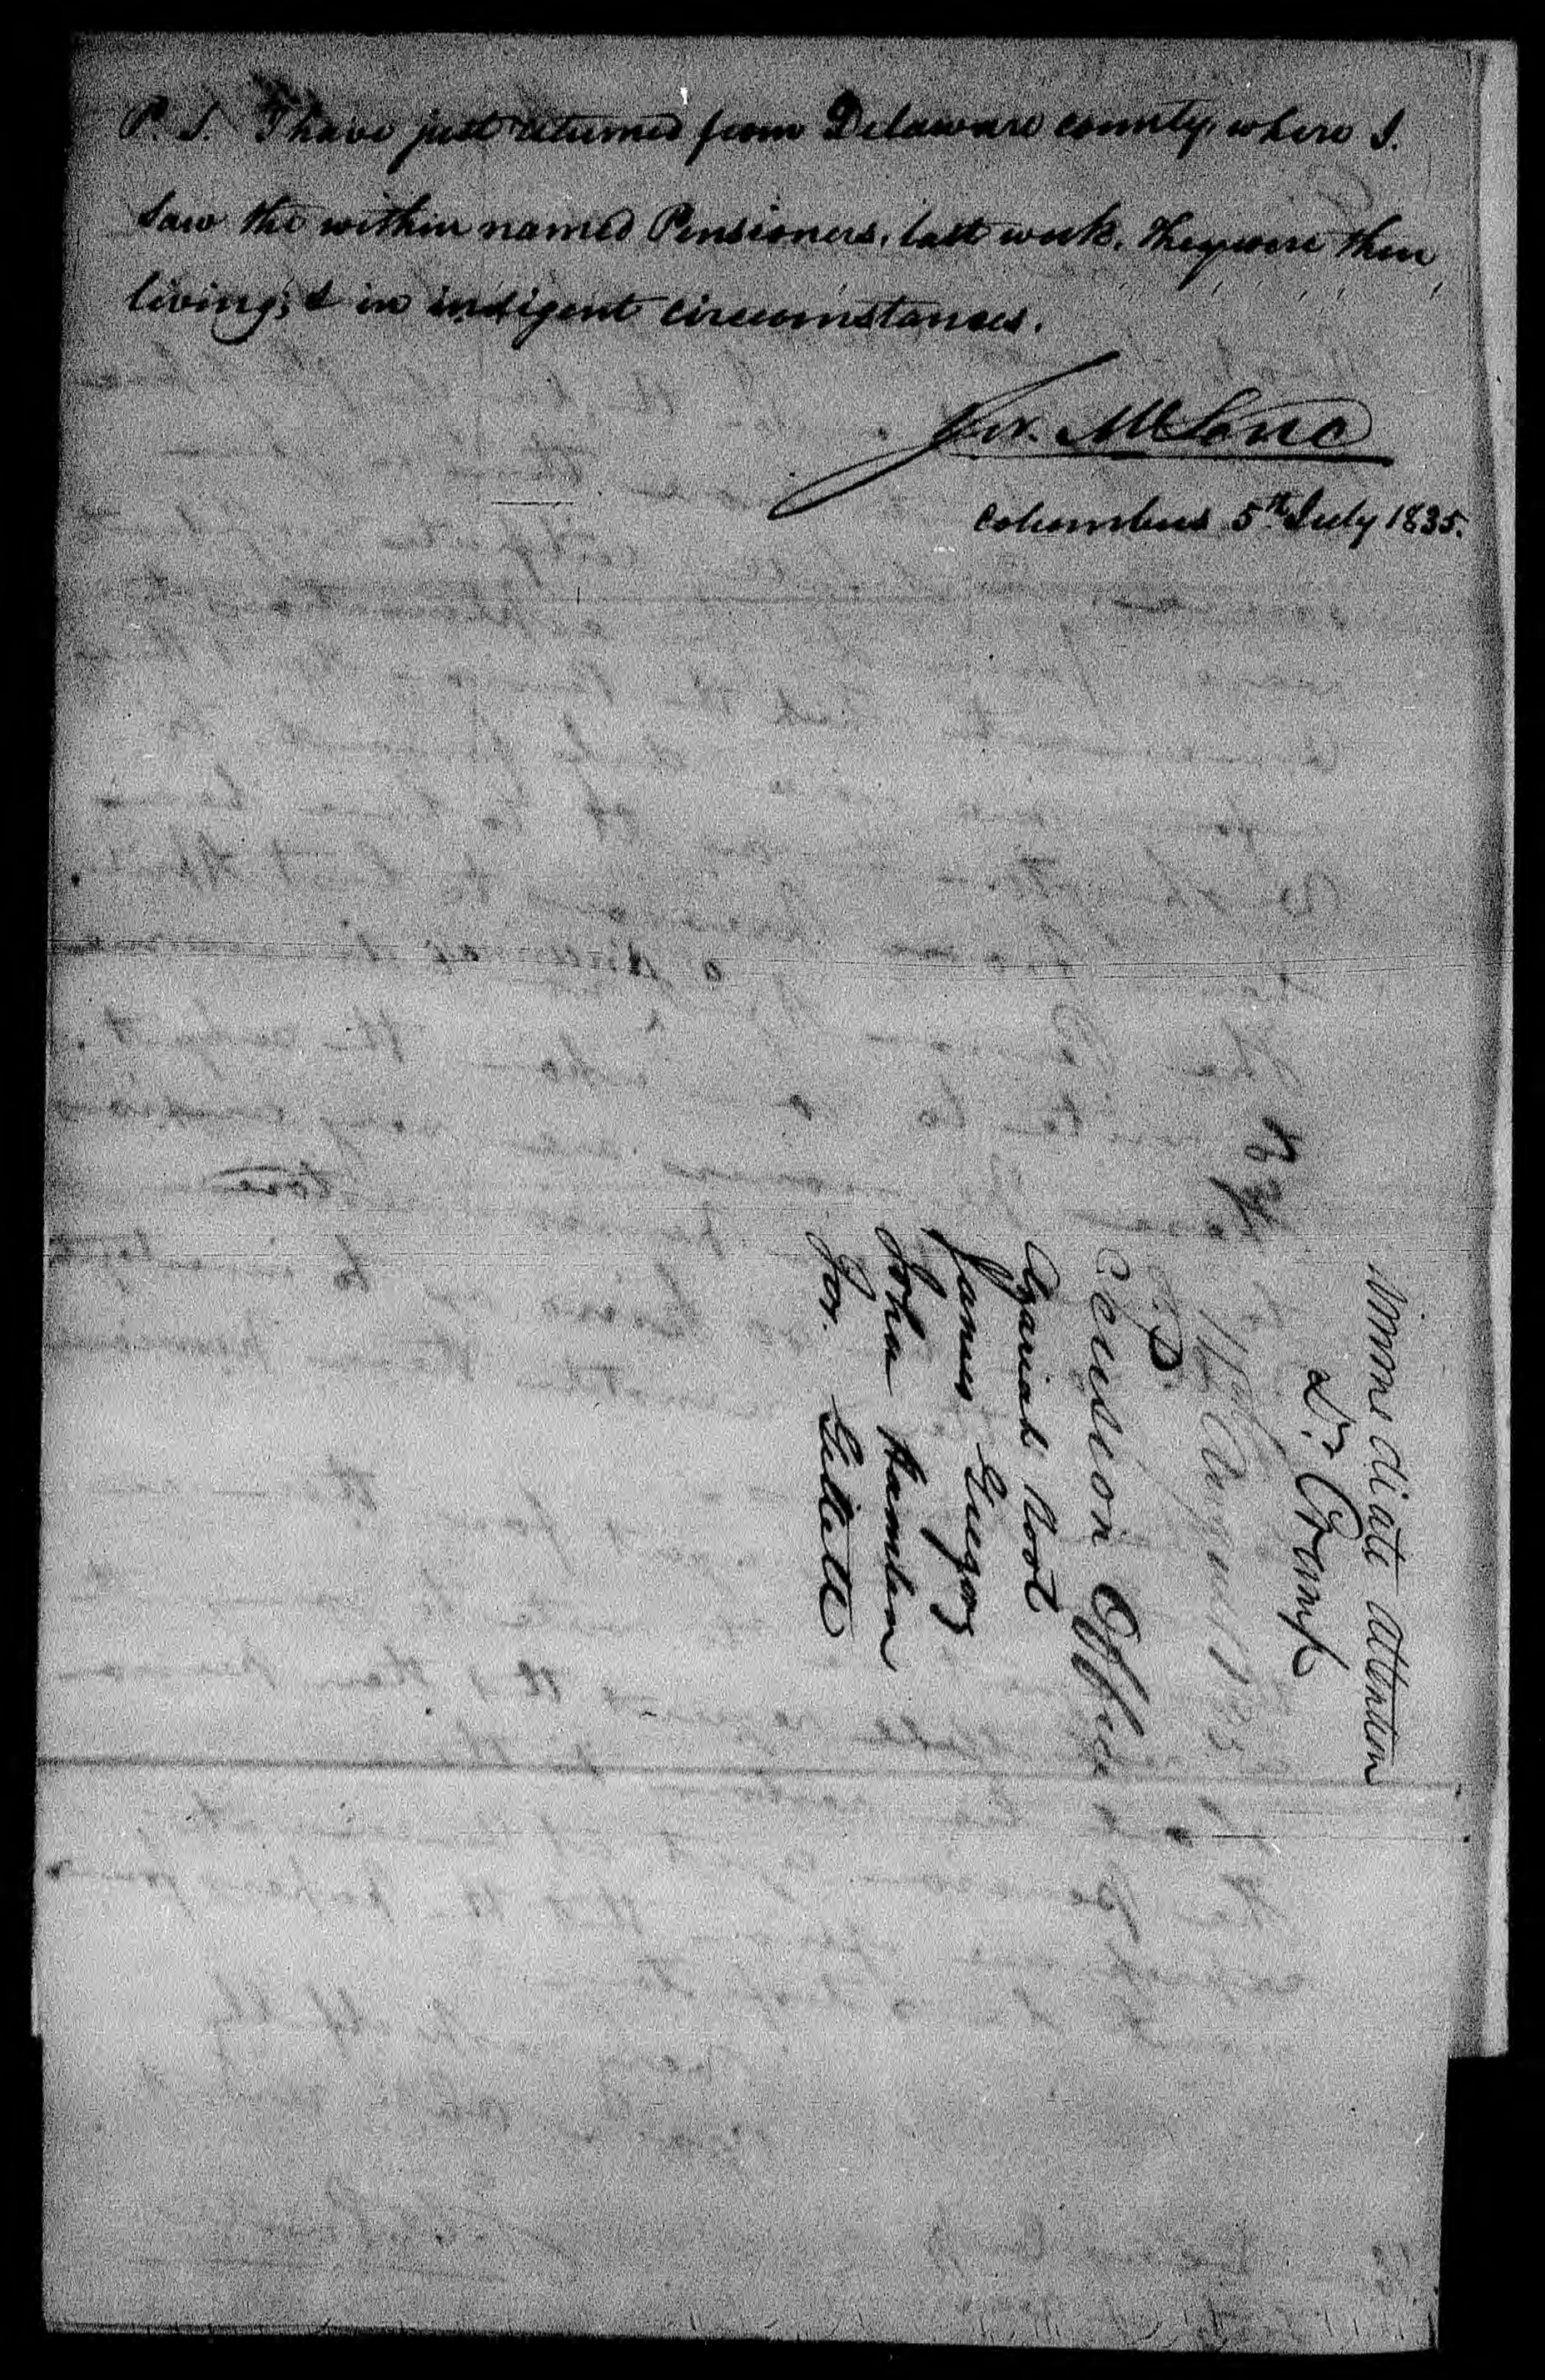P. S. I have  just returned from Delaware county, where I saw the within named pensioners, last week. They were there living; & in indigent circumstances.

Jos McLene
Columbus 5th July 1835


mme diate attention
Dr. Crump
Pension Officer
Jariah Root
James Grefory
John Hamlen
Jos Gillett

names: James Gregory, John Hamlen, Jos Gillett, Jos Mc Lene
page: 15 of 27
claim: survivor's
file: S. 17445, James Gregory, Conn.